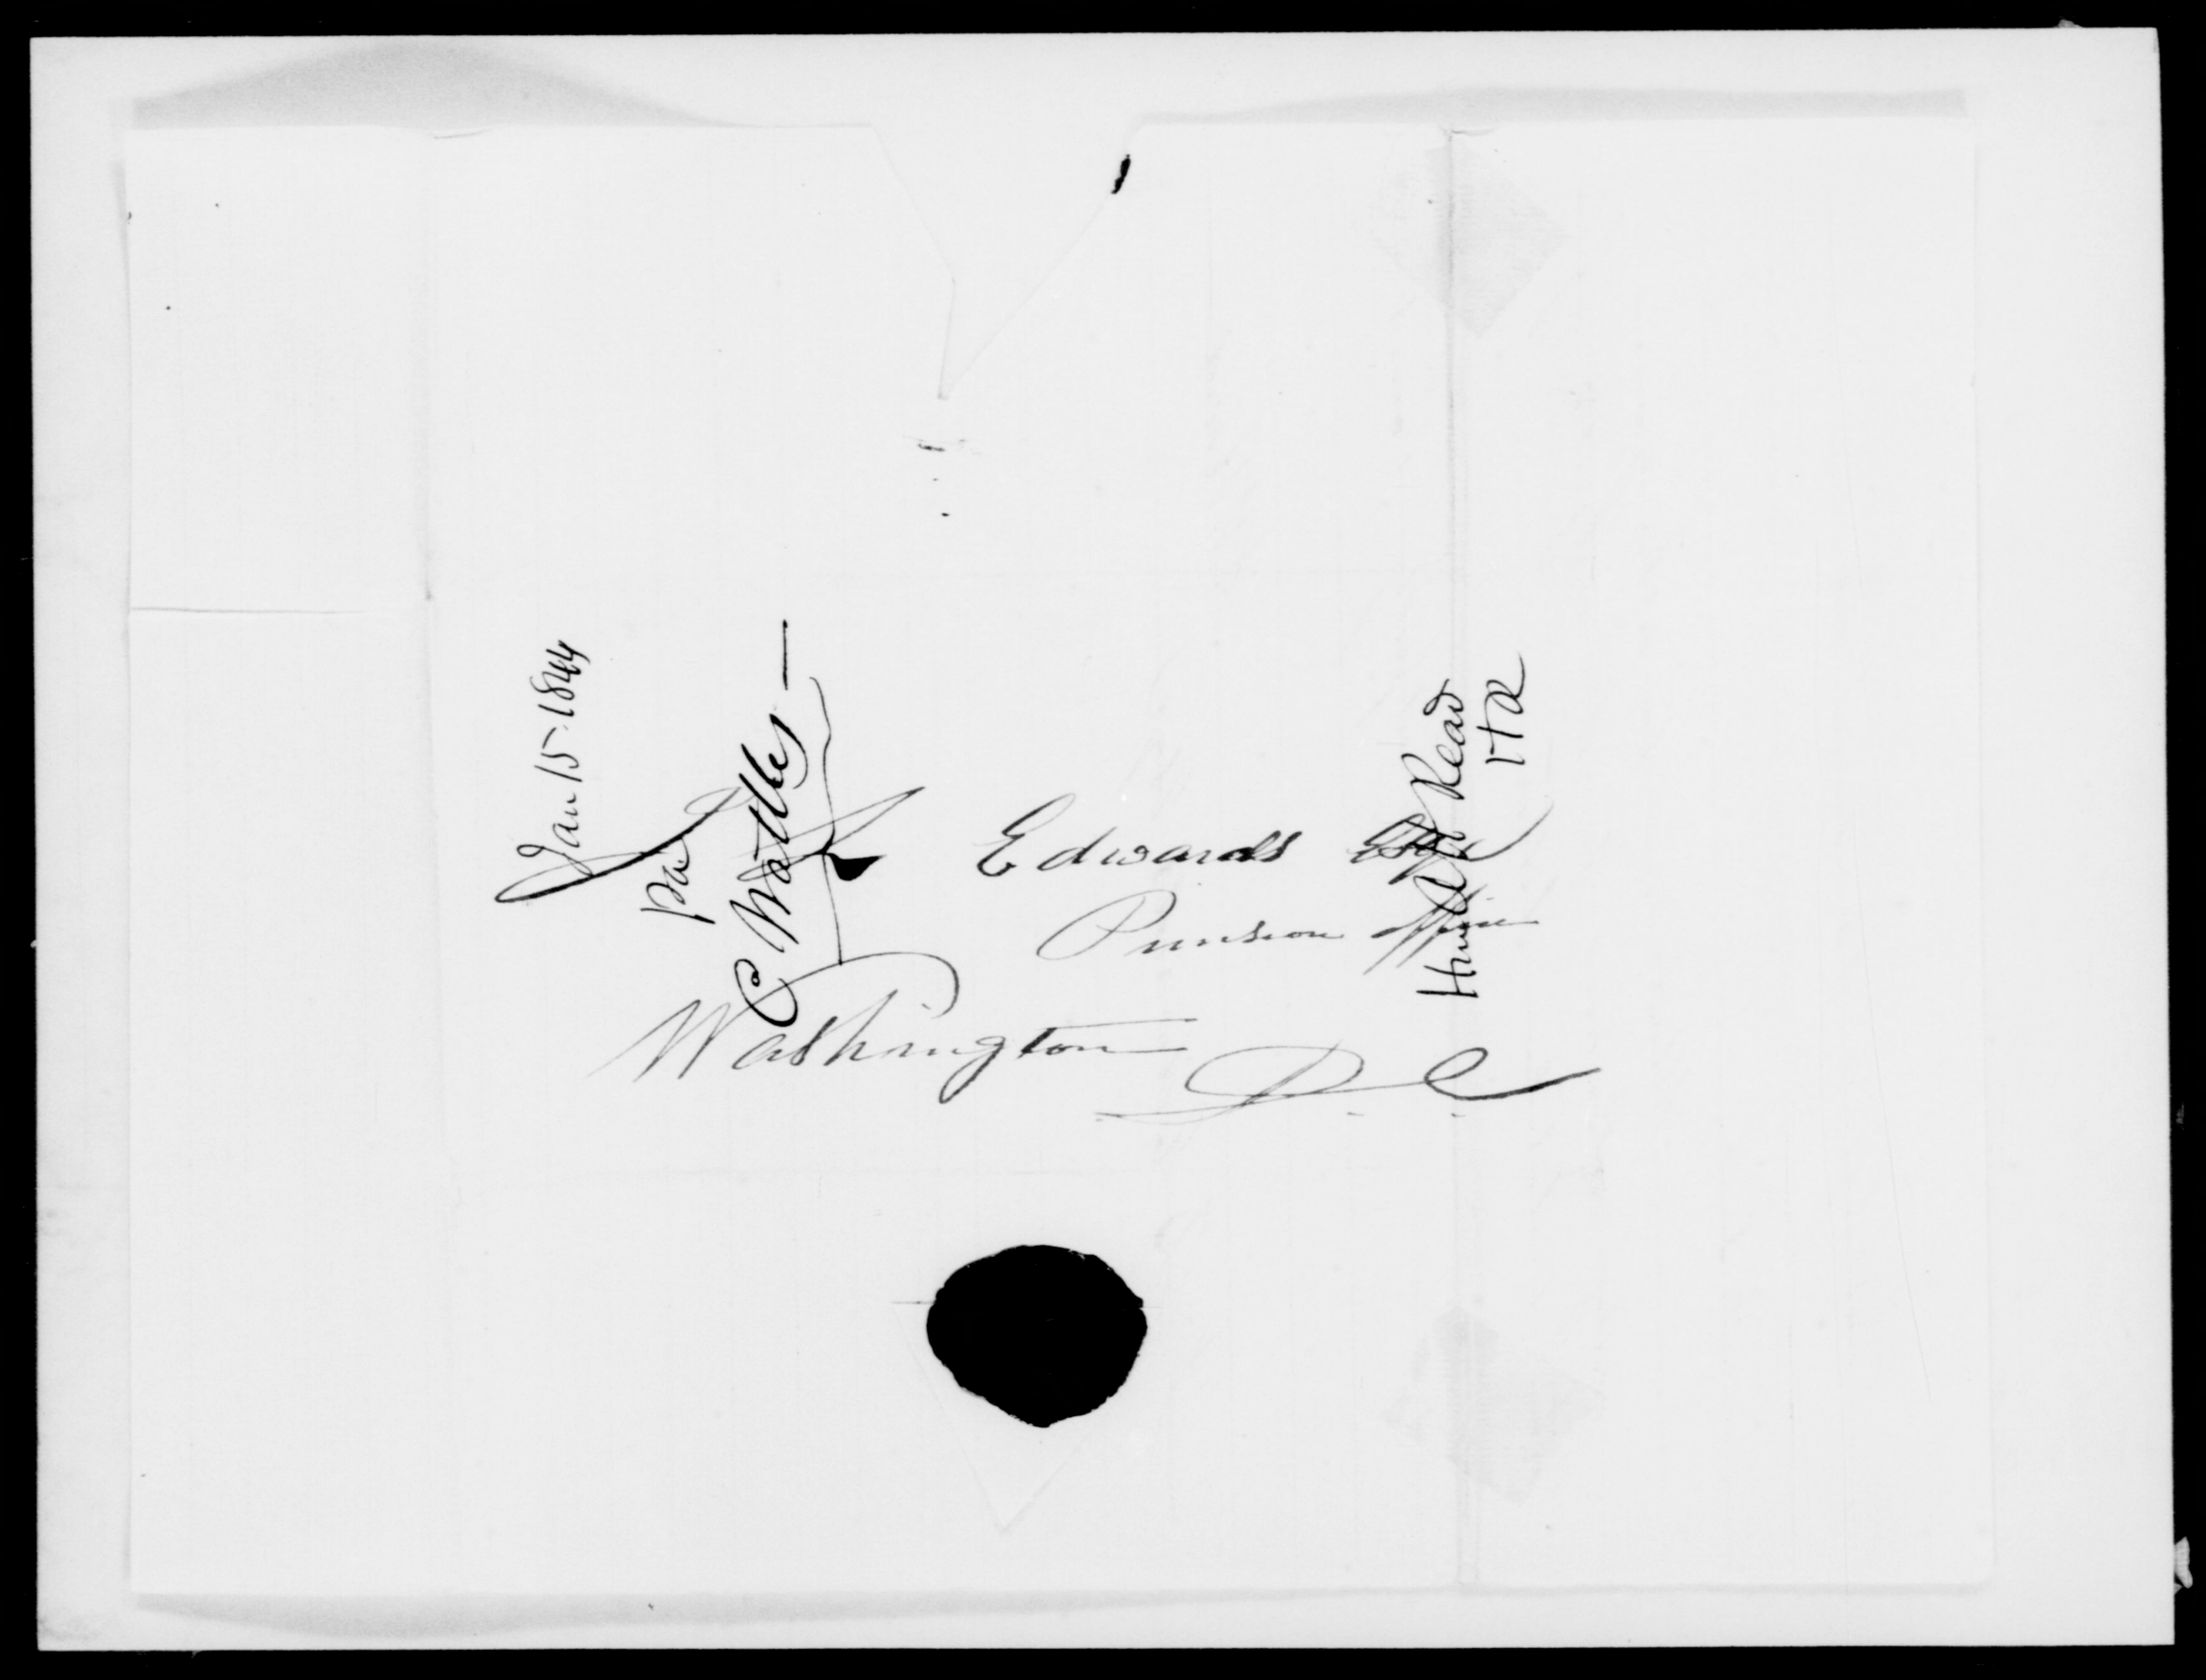J. L. Edwards Esq.
Pension Office
Washington  DC

Jan 15 1844 
pa
C Wattles

Hon. A H Read
[   ]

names: C Wattles, J L Edwards, A H Read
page: 44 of 70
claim: widow's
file: W. 3743, Dan Wattles, Conn.